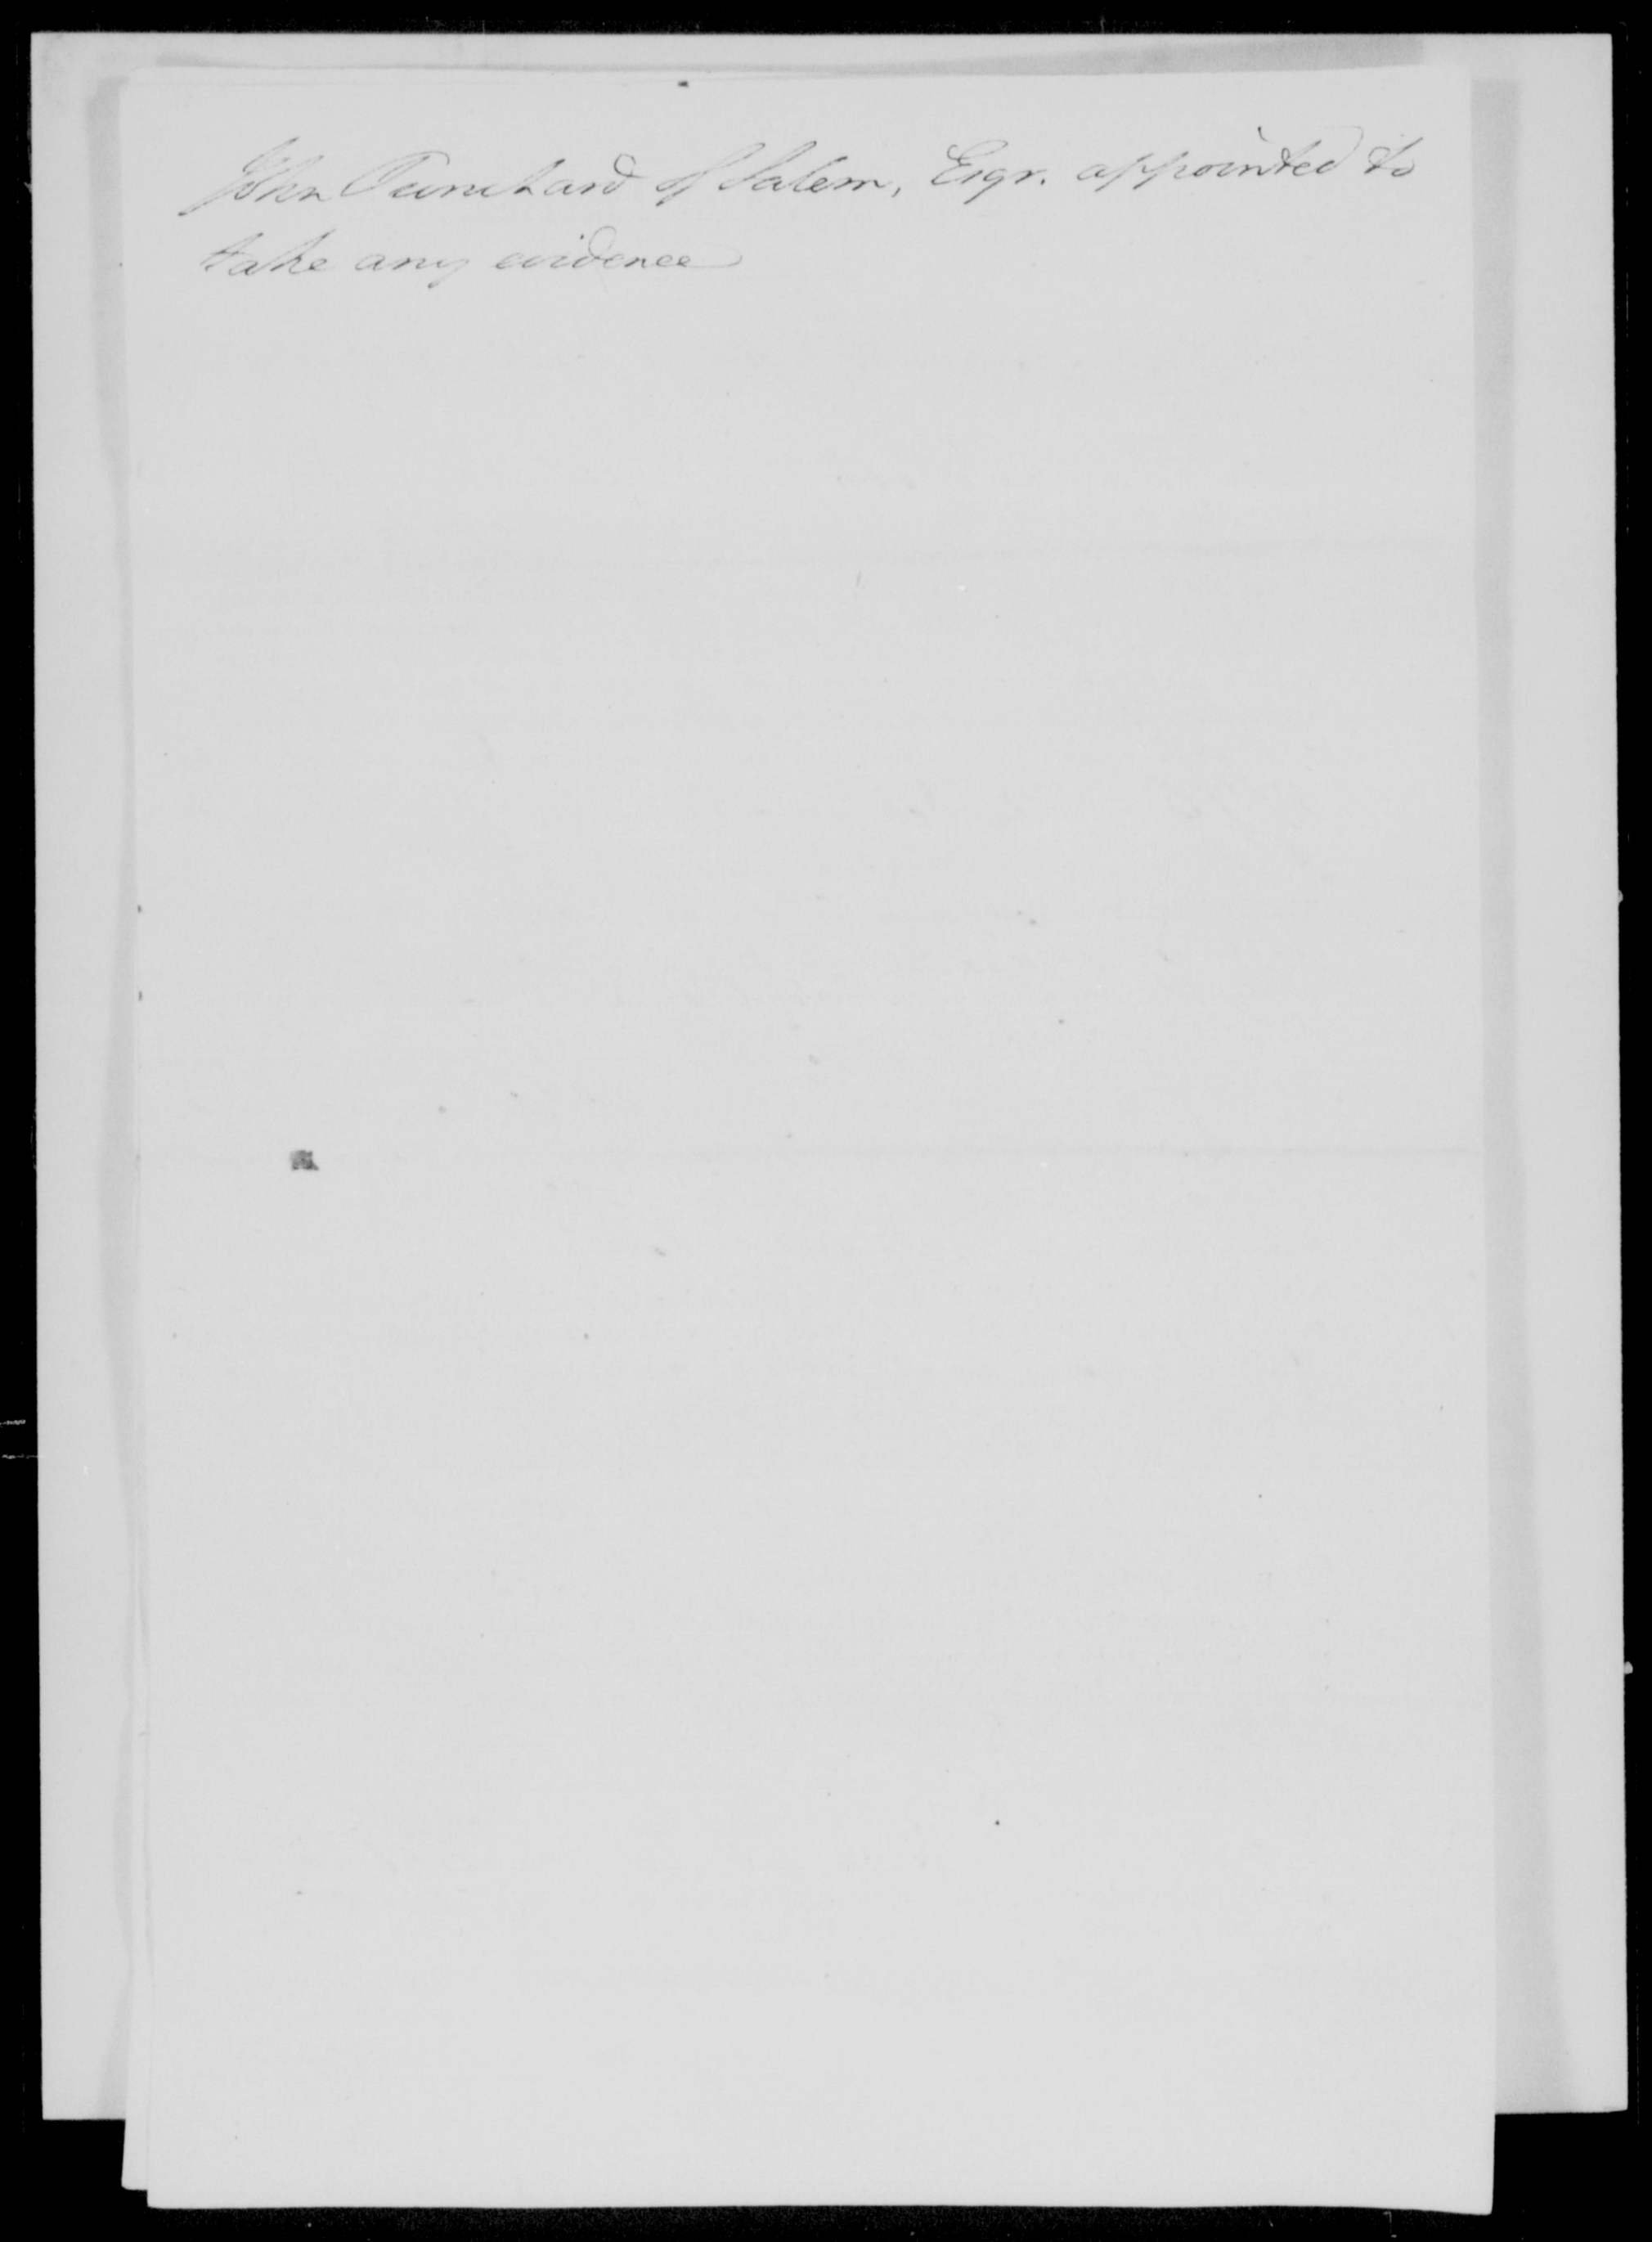John Panchard of Salem, Esqr. appointed to take any evidence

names: John Panchard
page: 8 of 14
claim: survivor's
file: S. 33888, Thomas Webb, Mass.